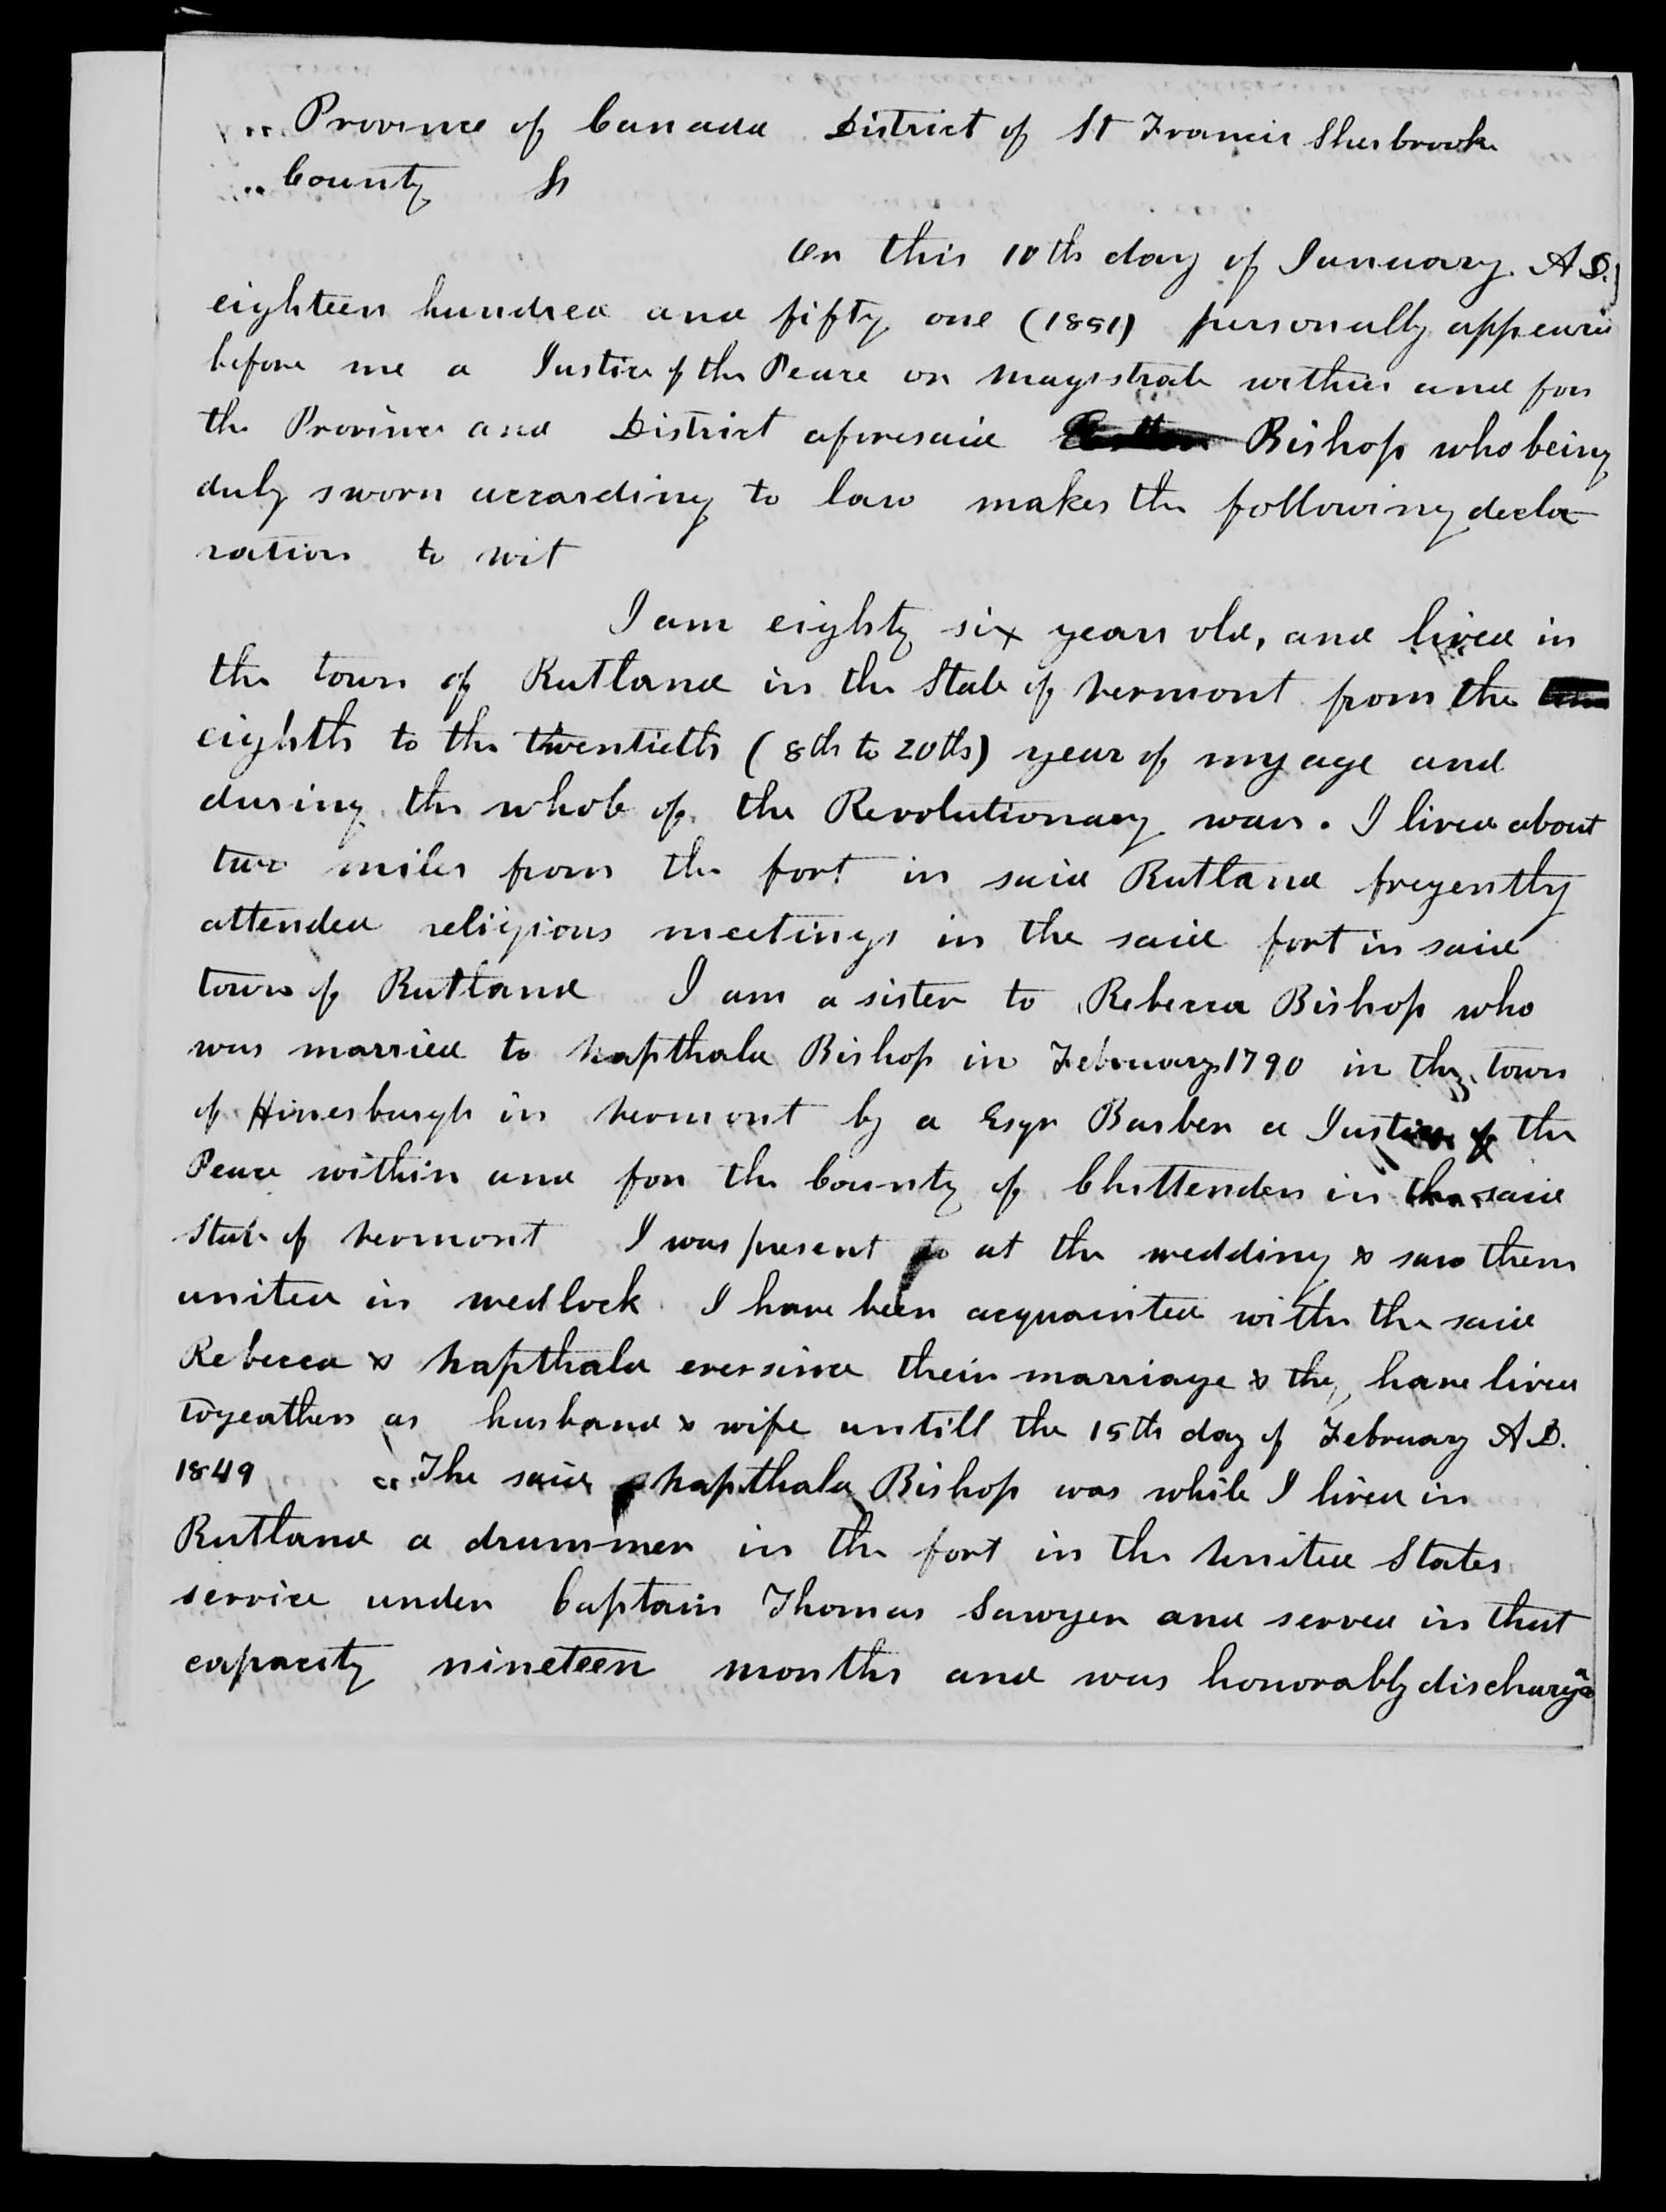Province of Canada District of St Francis Sherbrook County ss
On this 10th day of January A. D. eighteen hundred and fifty one (1851) personally appeared before me a Justice of the Peace on magistrate within and for the Province and District aforesaid Esther Bishop who being duly sworn according to law makes the following declaration to wit
I am eighty six years old, and lived in the town of Rutland in the State of Vermont from the ['8th' crossed out] eighth to the twentieth (8th to 20th) year of my age and during the whole of the Revolutionary war. I lived about two miles from the fort in said Rutland frequently attended religious meetings in the said fort in said town or Rutland I am a sister to Rebecca Bishop who was married to Napthala Bishop in February 1790 in the town of Hinesburgh in Vermont by a Esqr Barber a Justice of the Peace within and for the County of Chittenden in the said State of Vermont I was present ['to' crossed out] at the wedding & saw then united in wedlock I have been acquainted with the said Rebecca & Napthala ever since their marriage & they have lived togeather as husband & wife untill the 15th day of February AD. 1849 The said Napthala Bishop was while I lived in Rutland a drummer in the fort in the United States service under Captain Thomas Sawyer and served in that capacity nineteen months and was honorably discharged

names: Napthala, Barber, Rebecca, Napthala Bishop, Napthala Bishop, Bishop, Thomas Sawyer, Rebecca Bishop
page: 22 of 27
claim: rejected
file: R. 865, Napthala Bishop, Vt.